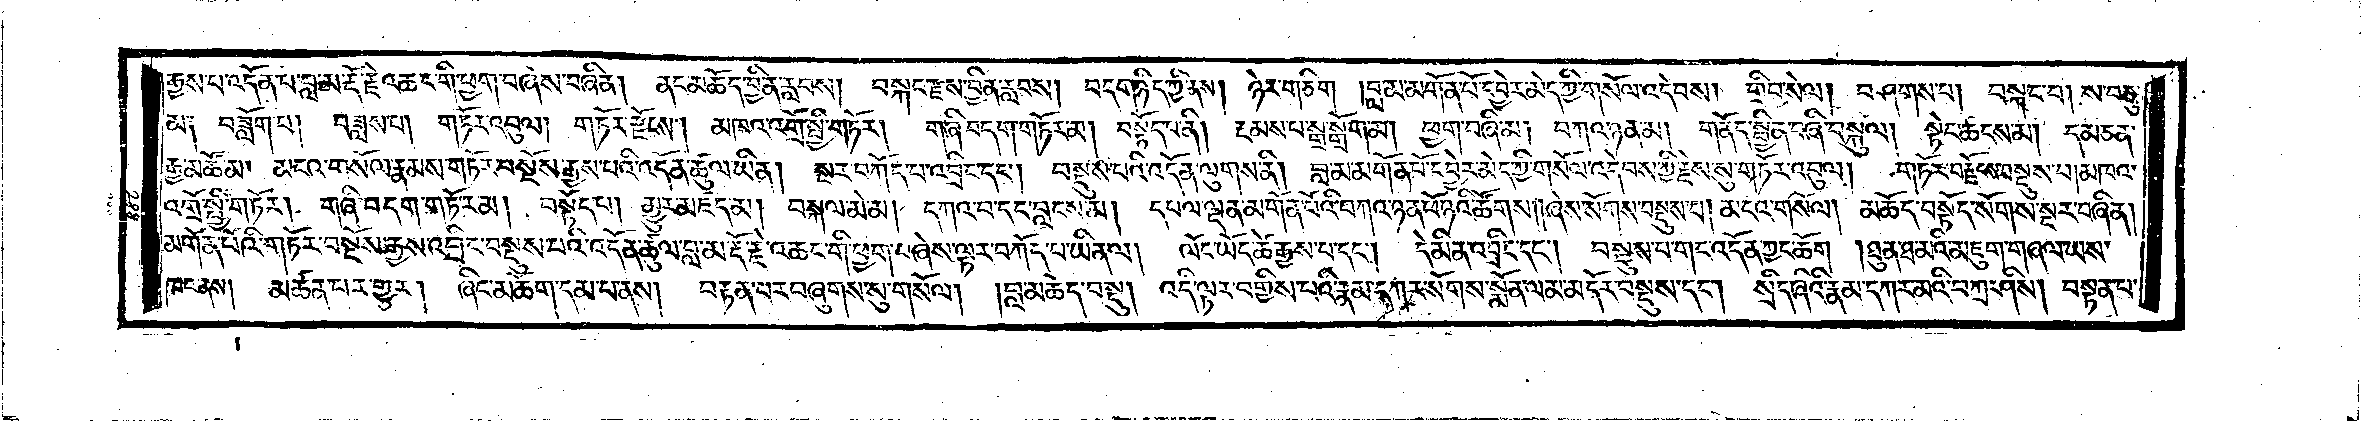རྒྱས་པ་འདོན་པ་བླ་མ་རྡོ་རྗེ་འཆང་གི་ཕྱག་བཞེས་བཞིན། ནང་མཆོད་བྱིན་རླབས། བསྐང་རྫས་བྱིན་རླབས། བདག་ཉིད་ཀྱི་ནས། ཉེར་གཅིག །བླ་མ་མགོན་པོ་དབྱེར་མེད་ཀྱི་གསོལ་འདེབས། གྲི་བསེལ། བཤགས་པ། བསྐང་པ། ས་བཅུ་
མ༑ བཟློག་པ། བཟླས་པ། གཏོར་འབུལ། གཏོར་རྫོངས། མཁའ་འགྲོ་སྤྱི་གཏོར། གཞི་བདག་གཏོར་མ། བསྟོད་པ་ནི། རྔམས་པ་སྒྲ་སྒྲོག་མ། ཕྱག་བཞི་མ། བཀའ་ཉན་མ། གནོད་སྦྱིན་བཞི་བསྐུལ། སྟེང་ཚངས་མ། དམ་ཅན་
རྒྱ་མཚོ་མ། མངའ་གསོལ་རྣམས་གཏོར་བསྔོས་རྒྱས་པའི་འདོན་ཚུལ་ཡིན། སྔར་བཀོད་པ་འབྲིང་དང་། བསྡུས་པའི་འདོན་ལུགས་ནི། བླ་མ་མགོན་པོ་དབྱེར་མེད་ཀྱི་གསོལ་འདེབས་ཀྱི་རྗེས་སུ་གཏོར་འབུལ། གཏོར་བརྫོངས་བསྡུས་པ། མཁའ་
འགྲོ་སྤྱི་གཏོར། གཞི་བདག་གཏོར་མ། བསྟོད་པ། མྱུར་མཛད་མ། བསྐལ་མེ་མ། དཀའ་བ་དང་བླངས་མ། དཔལ་ལྡན་མགོན་པོའི་བཀའ་ཉན་ཕོ་ཉའི་ཚོགས། །ཞེས་སོགས་བསྡུས་པ། མངའ་གསོལ། མཆོད་བསྟོད་སོགས་སྔར་བཞིན།
མགོན་པོའི་གཏོར་བསྔོས་རྒྱས་འབྲིང་བསྡུས་པའི་འདོན་ཚུལ་བླ་མ་རྡོ་རྗེ་འཆང་གི་ཕྱག་བཞེས་ལྟར་བཀོད་པ་ཡིན་ལ། ལོང་ཡོད་ཚེ་རྒྱས་པ་དང་། དེ་མིན་འབྲིང་དང་། བསྡུས་པ་གང་འདོན་ཀྱང་ཆོག །ཐུན་ཐ་མའི་མཇུག་གཞལ་ཡས་
ཁང་ནས། མཚན་པར་གྱུར། ཞིང་མཆོག་དམ་པ་ནས། བརྟན་པར་བཞུགས་སུ་གསོལ། །བླ་མཆེད་བསྡུ། འདི་ལྟར་བགྱིས་པའི་རྣམ་དཀར་སོགས་སྨོན་ལམ་མདོར་བསྡུས་དང་། སྲིད་ཞིའི་རྣམ་དཀར་མའི་བཀྲ་ཤིས། བསྟན་པ་